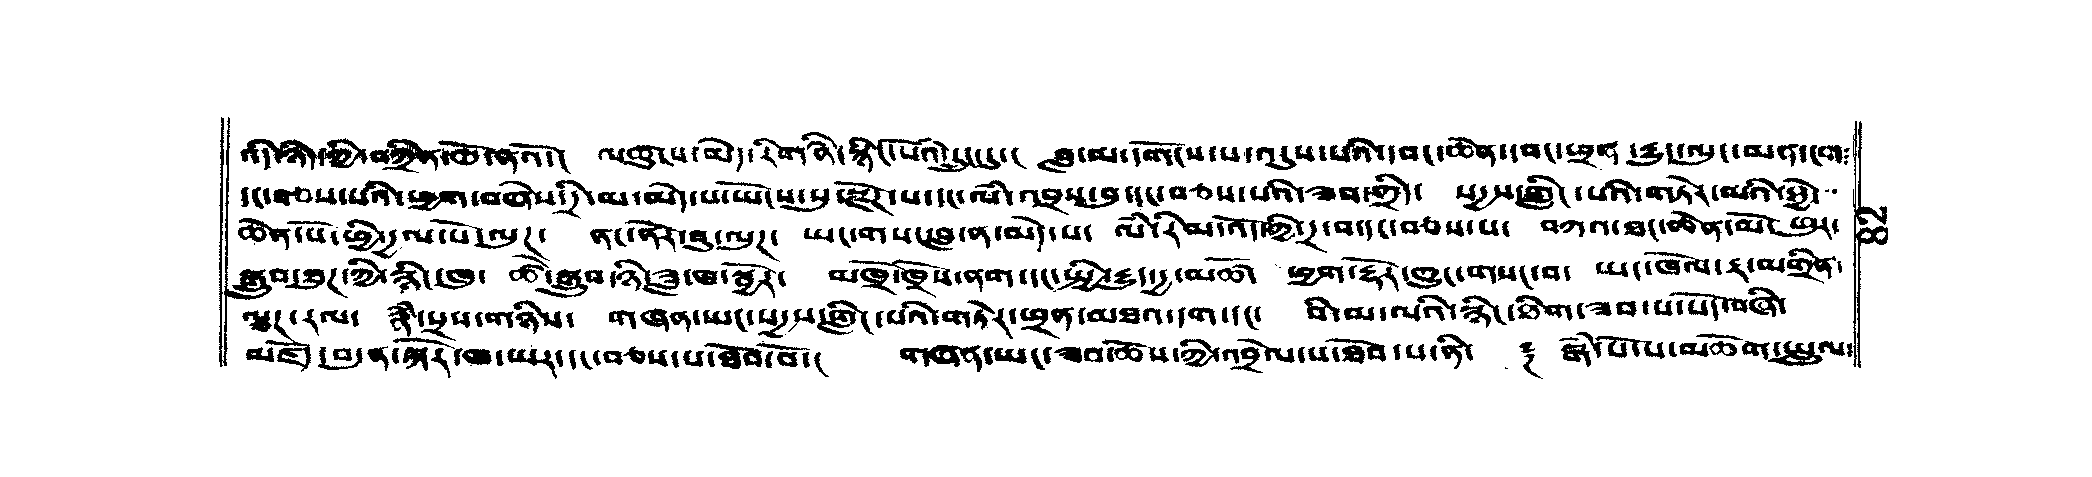འདི་ཉིད་ཀྱི་བཀའ་དྲིན་ཁོ་ནའོ། མཚུངས་མེད་རིག་འཛིན་སྙིང་པོའི་དྲུང་དུ། བླ་མ་དགོངས་པ་འདུས་པའི་དབང་ཆེན་དབང་ཕྲན་རྒྱུད་ལུང་མན་ངག་
དང་བཅས་པའི་ཕྱག་བཞེས་དྲི་མ་མེད་པ་ཡོངས་སུ་རྫོགས་པ་དང་ལམ་འབྲས་བུ་དང་བཅས་པའི་ཟབ་ཁྲིད། སངས་རྒྱས་གླིང་པའི་གཏེར་མའི་ཐུགས་རྗེ་
ཆེན་པོ་ཕྱི་རྒྱལ་པོ་ལུགས། ནང་ནོར་བུ་ལུགས། ཡང་གསང་བླ་ན་མེད་པ། ལམ་རིམ་འོད་ཀྱི་དྲྭ་བ་དང་བཅས་པ། བཀའ་ཐང་ཆེན་མོ། ཕུར་
སྒྲུབ་ཐུགས་ཀྱི་སྙིང་ཁུ། ཚེ་སྒྲུབ་ཉི་ཟླ་ཁ་སྦྱོར། མཁའ་འགྲོ་ཁྲོས་ནག་དང་སྤྱི་རྒྱུད་རྒྱ་མཚོ། ཕྱག་རྡོར་ཁྱུང་གསང་བ། ཡང་ཁོ་ལ་རྟ་མགྲིན་
ལྕགས་རལ། རྣམ་སྲས་གཉིས། གཞན་ཡང་སངས་རྒྱས་གླིང་པའི་གཏེར་ཕྲན་མཐའ་དག་དང་། བི་མ་ལའི་སྙིང་ཐིག་ཟབ་པ་པོད་བཞི་
མཛོད་བདུན་སྐོར་ཁ་ཡར་དང་བཅས་པ་ཐོབ་བོ། གཞན་ཡང་ཟབ་ཆོས་ཀྱི་འབྲེལ་པ་ཐོབ་པ་ནི། ༈ སྒམ་པོ་པ་མཆོག་སྤྲུལ་